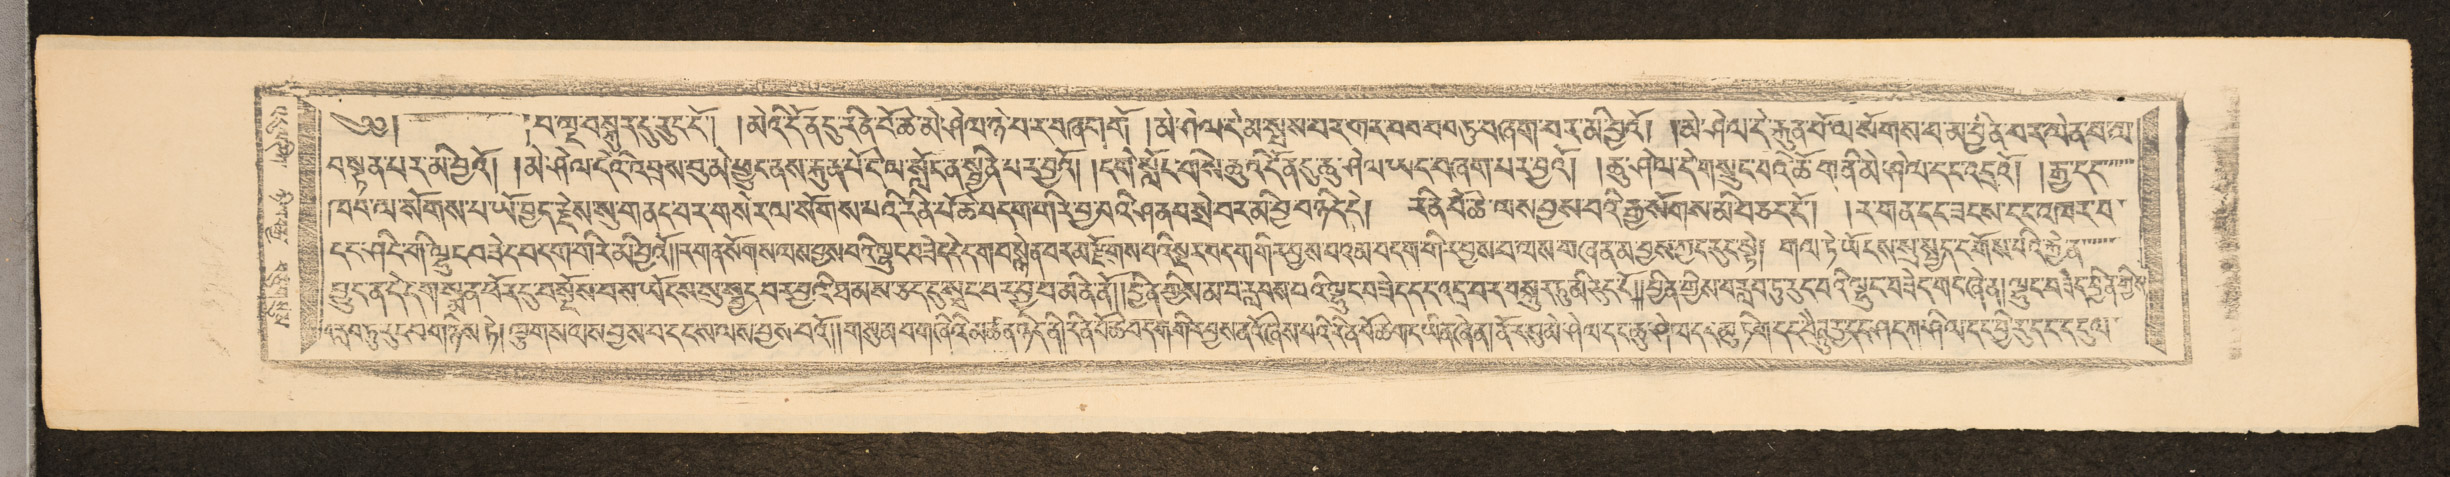༄༅། །པ་ལྔ་བསྐུར་དུ་རུང་ངོ། །མེའི་དོན་དུ་རིན་པོ་ཆེ་མེ་ཤེལ་ཉེ་བར་བཞག་གོ །མེ་ཤེལ་དེ་མ་སྦས་པར་གར་བབ་བབ་ཏུ་བཞག་པར་མི་བྱའོ། །མེ་ཤེལ་དེ་རྐུན་པོ་ལ་སོགས་པ་མ་བྱིན་པར་ལེན་པ་ལ་
བསྟན་པར་མི་བྱའོ། །མེ་ཤེལ་དེའི་འབྲས་བུ་མེ་ཕྱུད་ནས་རྐུན་པོ་དེ་ལ་སློང་ན་སྦྱིན་པར་བྱའོ། །དགེ་སློང་གིས་ཆུའི་དོན་དུ་ཆུ་ཤེལ་ཡང་བཞག་པར་བྱའོ། །ཆུ་ཤེལ་དེ་བསྲུང་བའི་ཆོ་ག་ནི་མེ་ཤེལ་དང་འདྲའོ། །རྒྱ་དང་
ཁབ་ལ་སོགས་པ་ཡོ་བྱད་རྗེས་སུ་གནང་བར་གསེར་ལ་སོགས་བའི་རིན་པོ་ཆེ་བདག་གིར་བྱ་བའི་ཤན་བསྲེ་བར་མི་བྱ་བ་ཉིད་དེ། རིན་པོ་ཆེ་ལས་བྱས་པའི་རྒྱ་སོགས་མི་བཅད་དོ། །ར་གན་དང་ཟངས་དང་འཁར་བ་
དང་ཤིང་གི་ལྷུང་བཟེད་བདག་གིར་མི་བྱའོ། །ར་གན་སོགས་ལས་བྱས་པའི་ལྷུང་བཟེད་དེ་དག་བསྙེན་བར་མ་རྫོགས་པའི་སྔར་བདག་གིར་བྱས་པའམ་བདག་གིར་བྱས་པ་ལས་གཞན་མ་བྱས་ཀྱང་རུང་སྟེ། གལ་ཏེ་ཡོངས་སུ་སྤྱད་དགོས་པའི་རྐྱེན་
བྱུང་ན་དེ་དག་སྨན་ཕོར་དུ་བསྔོས་པས་ཡོངས་སུ་སྤྱད་པར་བྱའི་ཐམས་ཅད་དུ་སྦང་བར་བྱ་བ་མིན་ནོ། །བྱིན་གྱིས་མ་བརླབས་པའི་ལྷུང་བཟེད་དང་འདྲ་བར་བསྐུར་ཏུ་མི་རུང་ངོ། །བྱིན་གྱིས་བརླབ་ཏུ་རུང་བའི་ལྷུང་བཟེད་གང་ཞེ་ན། ལྷུང་བཟེད་བྱིན་གྱིས་
བརླབ་ཏུ་རུང་བ་གཉིས་ཏེ། ལྕགས་ལས་བྱས་པ་དང་ས་ལས་བྱས་པའོ། །གསུམ་པ་གཞིའི་མཚན་ཉིད་ནི། རིན་པོ་ཆེ་བདག་གིར་བྱས་ནའོ་ཞེས་པའི་རིན་པོ་ཆེ་གང་ཡིན་ཞེ་ན། ནོར་བུ་མེ་ཤེལ་དང་ཆུ་ཤེལ་དང་མུ་ཏིག་དང་བེཌཱུརྱ་དང་ཤད་ཀ་ཤི་ལ་དང་བྱི་རུ་དང་དངུལ་